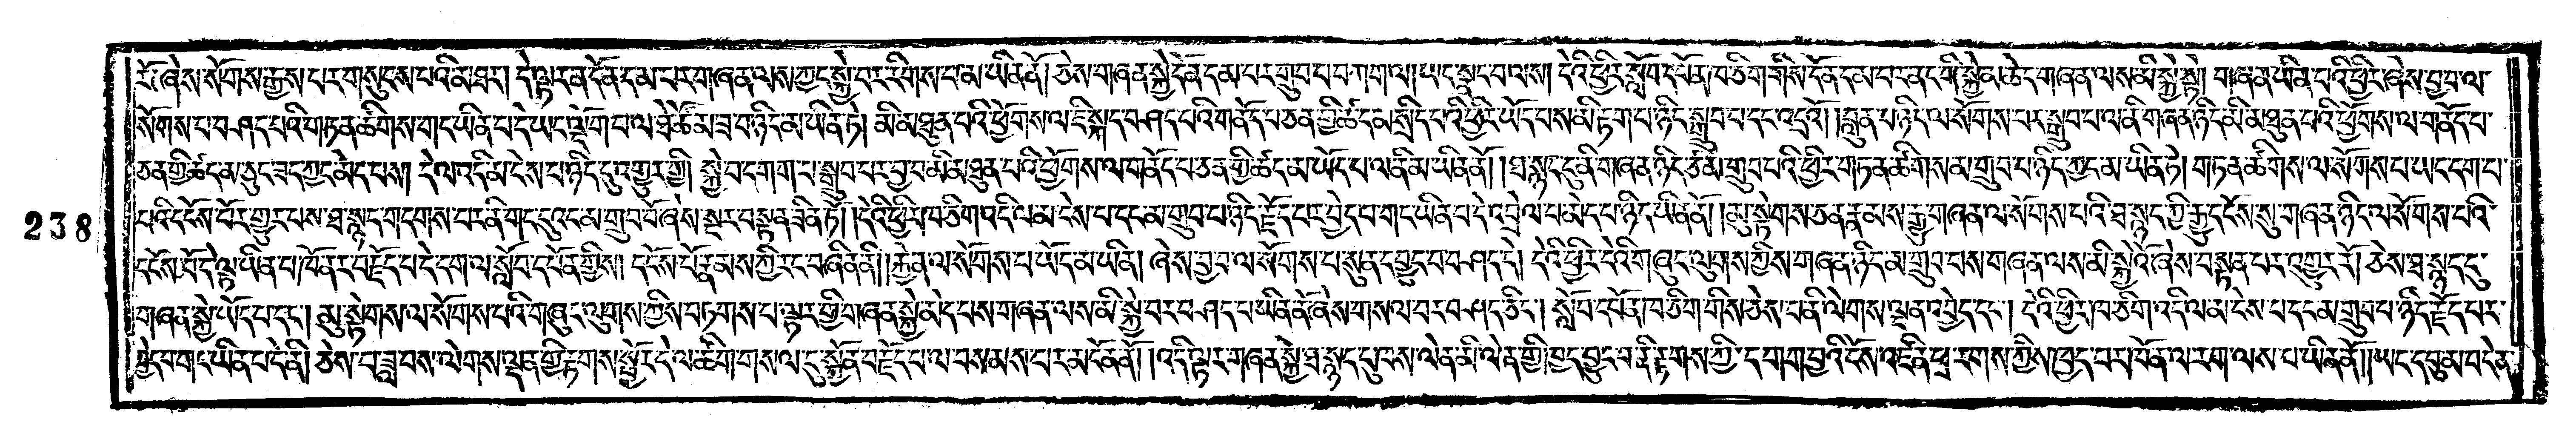རོ༑ ཞེས་སོགས་རྒྱས་པར་གསུངས་པའི་མཐར། དེ་ལྟར་ན་དོན་དམ་པར་གཞན་ལས་ཀྱང་སྐྱེ་བར་རིགས་པ་མ་ཡིན་ནོ། ཅེས་གཞན་སྐྱེ་དོན་དམ་པར་གྲུབ་པ་བཀག་ལ། ཡང་སྣང་བ་ལས། དེའི་ཕྱིར་སློབ་དཔོན་ཁ་ཅིག་གིས་དོན་དམ་བར་ནང་གི་སྐྱེ་མཆེད་གཞན་ལས་མི་སྐྱེ་སྟེ། གཞན་ཡིན་པའི་ཕྱིར་ཞེས་བྱ་བ་ལ་
སོགས་པ་བཤད་པའི་གཏན་ཚིགས་གང་ཡིན་པ་དེ་ཡང་ལྡོག་པ་ལ་ཐེ་ཚོམ་ཟ་བ་ཉིད་མ་ཡིན་ཏེ། མི་མཐུན་པའི་ཕྱོགས་ལ་ཇི་སྐད་བཤད་པའི་གནོད་པ་ཅན་གྱི་ཚད་མ་སྲིད་པའི་ཕྱིར་ཡོད་པས་མི་རྟག་པ་ཉིད་སྒྲུབ་པ་དང་འདྲའོ། །བླུན་པ་ཉིད་ལ་སོགས་པར་སྒྲུབ་པ་ལ་ནི་གཞན་ཉིད་མི་མཐུན་པའི་ཕྱོགས་ལ་གནོད་པ་
ཅན་གྱི་ཚད་མ་ཅུང་ཟད་ཀྱང་མེད་པས། དེ་ལ་འདི་མ་ངེས་པ་ཉིད་དུ་འགྱུར་གྱི། སྐྱེ་བ་དགག་པ་སྒྲུབ་པར་བྱ་བ་མི་མཐུན་པའི་ཕྱོགས་ལ་གནོད་པ་ཅན་གྱི་ཚད་མ་ཡོད་པ་ལ་ནི་མ་ཡིན་ནོ། །ཐ་སྙད་དུ་ནི་གཞན་ཉིད་ཙམ་གྲུབ་པའི་ཕྱིར་གཏན་ཚིགས་མ་གྲུབ་པ་ཉིད་ཀྱང་མ་ཡིན་ཏེ། གཏན་ཚིགས་ལ་སོགས་པ་ཡང་དག་པ་
པའི་དངོས་བོར་གྱུར་པས་ཐ་སྙད་གདགས་པར་ནི་གང་དུའང་མ་གྲུབ་བོ་ཞེས་སྔར་བསྟན་ཟིན་ཏོ། །དེའི་ཕྱིར་ཁ་ཅིག་འདི་ལམ་ངེས་པ་དང་མ་གྲུབ་པ་ཉིད་རྗོད་པར་བྱེད་པ་གང་ཡིན་པ་དེ་འབྲེལ་པ་མེད་པ་ཉིད་ཡིན་ནོ། །མུ་སྟེགས་ཅན་རྣམས་རྒྱུ་གཞན་ལ་སོགས་པའི་ཐ་སྙད་ཀྱི་རྒྱུ་དངོས་སུ་གཞན་ཉིད་ལ་སོགས་པའི་
དངོས་པོ་དེ་ལྟ་ཡིན་པ་ཁོ་ནར་བརྗོད་པ་དེ་དག་ལ་སློབ་དཔོན་གྱིས། དངོས་པོ་རྣམས་ཀྱི་རང་བཞིན་ནི། །རྐྱེན་ལ་སོགས་པ་ཡོད་མ་ཡིན། ཞེས་བྱ་བ་ལ་སོགས་པ་སུན་དབྱུང་བ་བཤད་དེ། དེའི་ཕྱིར་དེའི་གཞུང་ལུགས་ཀྱིས་གཞན་ཉིད་མ་གྲུབ་བས་གཞན་ལས་མི་སྐྱེའོ་ཞེས་བསྟན་པར་འགྱུར་རོ། ཅེས་ཐ་སྙད་དུ་
གཞན་སྐྱེ་ཡོད་པ་དང་། མུ་སྟེགས་ལ་སོགས་པའི་གཞུང་ལུགས་ཀྱིས་བཏགས་པ་ལྟར་གྱི་གཞན་སྐྱེ་མེད་པས་གཞན་ལས་མི་སྐྱེ་བར་བཤད་པ་ཡིན་ནོ་ཞེས་གསལ་བར་བཤད་ཅིང་། སློབ་དཔོན་ཁ་ཅིག་གིས་ཅེས་པ་ནི་ལེགས་ལྡན་འབྱེད་དང་། དེའི་ཕྱིར་ཁ་ཅིག་འདི་ལམ་ངེས་པ་དང་མ་གྲུབ་པ་ཉིད་རྗོད་པར་
བྱེད་པ་གང་ཡིན་པ་དེ་ནི། ཅེས་པ་ཟླ་བས་ལེགས་ལྡན་གྱི་རྟགས་སྐྱོར་དེ་ལ་ཚིག་གསལ་དུ་སྐྱོན་བརྗོད་པ་ལ་བསམས་པར་མངོན་ནོ། །འདི་ལྟར་གཞན་སྐྱེ་ཐ་སྙད་དུ་ཁས་ལེན་མི་ལེན་གྱི་ཁྱད་བྱུང་བ་ནི་རྟགས་ཀྱི་དགག་བྱའི་ངོས་འཛིན་ཕྲ་རགས་ཀྱིས་ཁྱད་པར་ཁོ་ན་ལ་རག་ལས་པ་ཡིན་ནོ། །ཡང་དབུ་མ་བདེན་